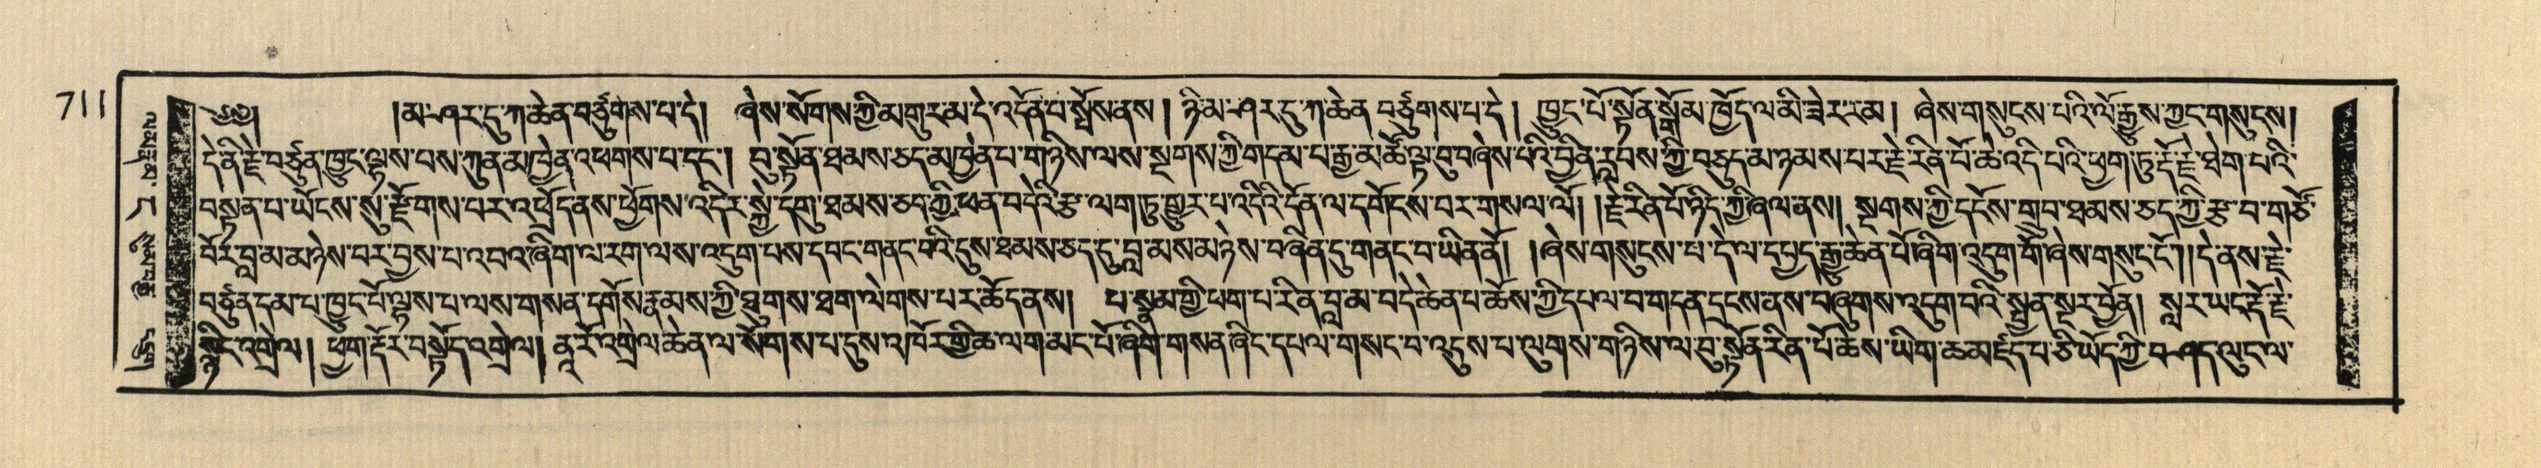༄༅། །མ་ཤར་དུ་ཀ་ཆེན་བཙུགས་པ་དེ། ཞེས་སོགས་ཀྱི་མགུར་མ་དེ་འདོན་པ་སྤོས་ནས། ཉི་མ་ཤར་དུ་ཀ་ཆེན་བཙུགས་པ་དེ། ཁྱུང་པོ་སྟོན་སྒོམ་ཁྱོད་ལ་མི་ཟེར་རམ། ཞེས་གསུངས་པའི་ལོ་རྒྱུས་ཀྱང་གསུངས།
དེ་ནི་རྗེ་བཙུན་ཁྱུང་ལྷས་པས་ཀུན་མཁྱེན་འཕགས་པ་དང་། བུ་སྟོན་ཐམས་ཅད་མཁྱེན་པ་གཉིས་ལས་སྔགས་ཀྱི་གདམ་པ་རྒྱ་མཚོ་ལྟ་བུ་བཞེས་པའི་བྱིན་རླབས་ཀྱི་བཅུད་མ་ཉམས་པར་རྗེ་རིན་པོ་ཆེ་འདི་པའི་ཕྱག་ཏུ་རྡོ་རྗེ་ཐེག་པའི་
བསྟན་པ་ཡོངས་སུ་རྫོགས་པར་འཕྲོད་ནས་ཕྱོགས་འདིར་སྐྱེ་དགུ་ཐམས་ཅད་ཀྱི་ཕན་བདེའི་རྩ་ལག་ཏུ་གྱུར་པ་འདིའི་དོན་ལ་དགོངས་པར་གསལ་ལོ། །རྗེ་རིན་པོ་ཉིད་ཀྱི་ཞལ་ནས། སྔགས་ཀྱི་དངོས་གྲུབ་ཐམས་ཅད་ཀྱི་རྩ་བ་གཙོ་
བོར་བླ་མ་མཉེས་པར་བྱས་པ་འབའ་ཞིག་ལ་རག་ལས་འདུག་པས་དབང་གནང་བའི་དུས་ཐམས་ཅད་དུ་བླ་མས་མཉེས་བཞིན་དུ་གནང་བ་ཡིན་ནོ། །ཞེས་གསུངས་པ་དེ་ལ་དཔྱད་རྒྱུ་ཆེན་པོ་ཞིག་འདུག་གོ་ཞེས་གསུང་ངོ། །དེ་ནས་རྗེ་
བཙུན་དམ་པ་ཁྱུང་པོ་ལྷས་པ་ལས་གསན་དགོས་རྣམས་ཀྱི་ཐུགས་ཐག་ལེགས་པར་ཆོད་ནས། པ་སྣམ་གྱི་ཕག་པ་རིན་བླ་མ་བདེ་ཆེན་པ་ཆོས་ཀྱི་དཔལ་བ་གདན་དྲངས་ནས་བཞུགས་འདུག་པའི་སྤྱན་སྔར་བྱོན། སླར་ཡང་རྡོ་རྗེ་
སྙིང་འགྲེལ། ཕྱག་རྡོར་བསྟོད་འགྲེལ། ནཱ་རོ་འགྲེལ་ཆེན་ལ་སོགས་པ་དུས་འཁོར་གྱི་ཆ་ལག་མང་པོ་ཞིག་གསན་ཞིང་དཔལ་གསང་བ་འདུས་པ་ལུགས་གཉིས་ལ་བུ་སྟོན་རིན་པོ་ཆེས་ཡིག་ཆ་མཛད་པ་ཅི་ཡོད་ཀྱི་བཤད་ལུང་ལ་